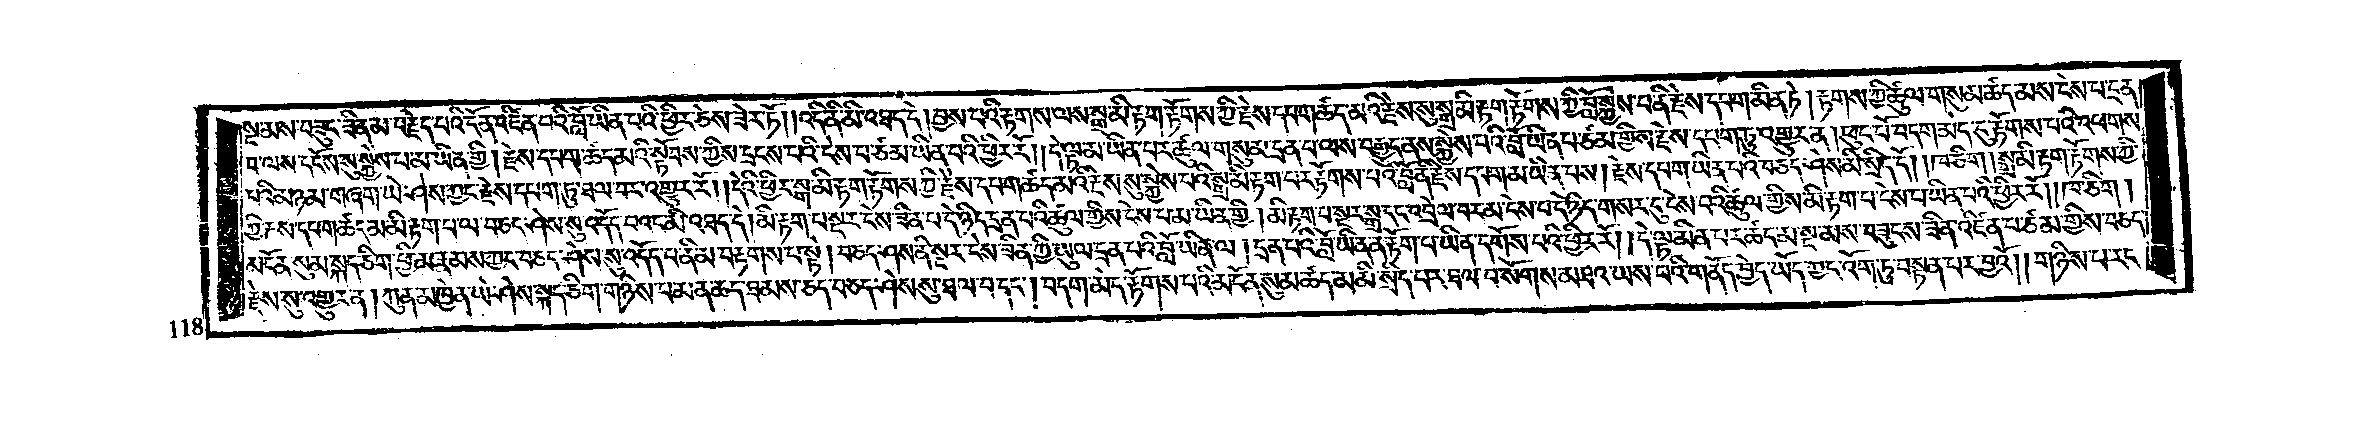སྔ་མས་བཟུང་ཟིན་མ་བརྗེད་པའི་དོན་འཛིན་པའི་བློ་ཡིན་པའི་ཕྱིར་ཅེས་ཟེར་ཏོ། །འདི་ནི་མི་འཐད་དེ། བྱས་པའི་རྟགས་ལས་སྒྲ་མི་རྟག་རྟོགས་ཀྱི་རྗེས་དཔག་ཚད་མའི་རྗེས་སུ་སྒྲ་མི་རྟག་རྟོགས་ཀྱི་ལོ་སྐྱེས་པ་ནི་རྗེས་དཔག་མིན་ཏེ། རྟགས་ཀྱི་ཚུལ་གསུམ་ཚད་མས་ངེས་པ་དྲན་
བ་ལས་དངོས་སུ་སྐྱེས་པ་མ་ཡིན་གྱི། རྗེས་དཔག་ཚད་མའི་སྟོབས་ཀྱིས་དྲངས་པའི་ངེས་པ་ཙམ་ཡིན་པའི་ཕྱིར་རོ། །དེ་ལྟ་མ་ཡིན་པར་ཚུལ་གསུམ་དྲན་པ་ལས་བརྒྱུད་ནས་སྐྱེས་པའི་བློ་ཡིན་པ་ཙམ་གྱིས་རྗེས་དཔག་ཏུ་འགྱུར་ན། ཕུང་པོ་བདག་མེད་དུ་རྟོགས་པའི་འཕགས།
པའི་མཉམ་གཞག་ཡེ་ཤེས་ཀྱང་རྗེས་དཔག་ཏུ་ཐལ་བར་འགྱུར་རོ། །དེའི་ཕྱིར་སྒྲ་མི་རྟག་རྟོགས་ཀྱི་རྗེས་དཔག་ཚད་མའི་རྗེས་སུ་སྐྱེས་པའི་སྒྲ་མི་རྟག་པར་རྟོགས་པའི་བློ་ནི་རྗེས་དཔག་མ་ཡིན་པས། རྗེས་དཔག་ཡིན་པའི་བཅད་ཤེས་མི་སྲིད་དོ། །ཁ་ཅིག། སྒྲ་མི་རྟག་རྟོགས་ཀྱི་
ཀྱི་རྗེས་དཔག་ཚད་མ་མི་རྟག་པ་ལ་བཅད་ཤེས་སུ་འདོད་པའང་མི་འཐད་དེ། མི་རྟག་པ་སྔར་ངེས་ཟིན་པ་དེ་ཉིད་དྲན་པའི་ཚུལ་གྱིས་ངེས་པ་མ་ཡིན་གྱིས་ངེས་པ་མ་ཡི་གྱི། མི་རྟག་པ་སྔར་སྒྲ་དང་འབྲེལ་བར་མ་ངེས་པ་དེ་ཉིད་གསར་དུ་ངེས་པའི་ཚུལ་གྱིས་མི་རྟག་པ་ངེས་པ་ཡིན་པའི་ཕྱིར་རོ། །ཁ་ཅིག།
མངོན་སུམ་སྐད་ཅིག་ཕྱི་མ་རྣམས་ཀྱང་བཅད་ཤེས་སུ་འདོད་པ་ནི་མ་བརྟགས་པ་སྟེ། བཅད་ཤེས་ནི་སྔར་ངེས་ཟིན་གྱི་ཡུལ་དྲན་པའི་བློ་ཡིན་ལ། དྲན་པའི་བློ་ཡིན་ན་རྟོག་པ་ཡིན་དགོས་པའི་ཕྱིར་རོ། དེ་ལྟ་མིན་པར་ཚད་མ་སྔ་མས་བཟུངས་ཟིན་འཛིན་པ་ཙམ་གྱིས་བཅད་
རྗེས་སུ་འགྱུར་ན། ཀུན་མཁྱེན་ཡེ་ཤེས་སྐད་ཅིག་གཉིས་པ་མན་ཆད་ཐམས་ཅད་བཅད་ཤེས་སུ་ཐལ་བ་དང་། བདག་མེད་རྟོགས་པའི་མངོན་སུམ་ཚད་མ་མི་སྲིད་པར་ཐལ་བ་སོགས་མཐའ་ཡས་པའི་གནོད་བྱེད་ཡོད་ཀྱང་འོག་ཏུ་བསྟན་པར་བྱའོ། །གཉིས་པ་རང་